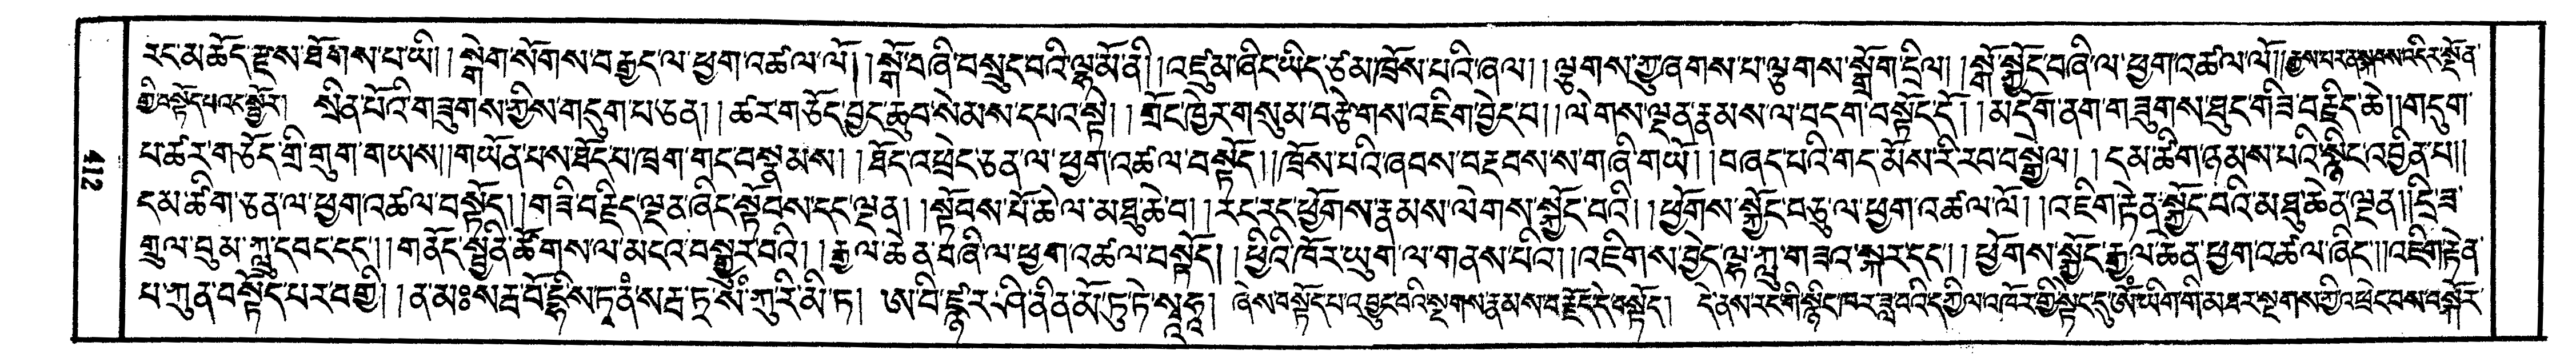རང་མཆོད་རྫས་ཐོགས་བ་ཡི། །སྒེག་སོགས་བརྒྱད་ལ་ཕྱག་འཚལ་ལོ། །སྒོ་བཞི་བསྲུང་བའི་ལྷ་མོ་ནི། །འཛུམ་ཞིང་ཡིད་ཙམ་ཁྲོས་པའི་ཞལ། །ལྕགས་ཀྱུ་ཞགས་པ་ལྕགས་སྒྲོག་དྲིལ། །སྒོ་སྐྱོང་བཞི་ལ་ཕྱག་འཚལ་ལོ། །རྒྱས་པར་ན་སྐབས་འདིར་སྔོ་
གྱི་བསྟོད་པའང་སྦྱོར། སྲིན་པོའི་གཟུགས་ཀྱིས་གདུག་པ་ཅན། །ཚར་གཅོད་བྱང་ཆུབ་སེམས་དཔའ་སྟེ། །གྲོང་ཁྱེར་གསུམ་བརྩེགས་འཇིག་བྱེད་པ། །ལེགས་ལྡན་རྣམས་ལ་བདག་བསྟོད་དོ། །མདོག་ནག་གཟུགས་ཐུང་གཟི་བརྗིད་ཆེ། །གདུག་
པ་ཚར་གཅོད་གྲི་གུག་གཡས། །གཡོན་པས་ཐོད་པ་ཁྲག་གང་བསྣམས། །ཐོད་འཕྲེང་ཅན་ལ་ཕྱག་འཚལ་བསྟོད། །ཁྲོས་པའི་ཞབས་བརྡབས་ས་གཞི་གཡོ། །བཞད་པའི་གད་མོས་རི་རབ་བསྒྱེལ། །དམ་ཚིག་ཉམས་པའི་སྙིང་འབྱིན་པ།།
དམ་ཚིག་ཅན་ལ་ཕྱག་འཚལ་བསྟོད། །གཟི་བརྗིད་ལྡན་ཞིང་སྟོབས་དང་ལྡན། །སྟོབས་པོ་ཆེ་ལ་མཐུ་ཆེ་བ། །རང་རང་ཕྱོགས་རྣམས་ལེགས་སྐྱོང་བའི། །ཕྱོགས་སྐྱོང་བཅུ་ལ་ཕྱག་འཚལ་ལོ། །འཇིག་རྟེན་སྐྱོང་བའི་མཐུ་ཆེན་ལྡན། །དྲི་ཟ་
གྲུལ་བུམ་ཀླུ་དབང་དང་། །གནོད་སྦྱིན་ཚོགས་ལ་མདའ་བསྒྱུར་བའི། །རྒྱལ་ཆེན་བཞི་ལ་ཕྱག་འཚལ་བསྟོད། །ཕྱིའི་ཁོར་ཡུག་ལ་གནས་པའི། །འཇིགས་བྱེད་ལྷ་ཀླུ་གཟའ་སྐར་དང་། །ཕྱོགས་སྐྱོང་རྒྱལ་ཆེན་ཕྱག་འཚལ་ཞིང་། །འཇིག་རྟེན་
པ་ཀུན་བསྟོད་པར་བགྱི། །ན་མཿསརྦ་བོ་དྷི་སཏྭ་ནཾ་སརྦ་ཧྲ་ས་ཀུ་རི་མི་ཏ། ཨ་བི་ཛྙ་ར་ཤི་ནི་ན་མོ་ཏུ་ཏེ་སྭཱཧཱ། ཞེས་བསྟོད་པ་འབྱུང་བའི་སྔགས་རྣམས་བརྗོད་དེ་བསྟོད། དེ་ནས་རང་གི་སྙིང་ཁར་ཟླ་བའི་དཀྱིལ་འཁོར་གི་སྟེང་དུ་ཨོཾ་ཡིག་གི་མཐར་སྔགས་ཀྱི་འཕྲེང་བས་བསྐོར།